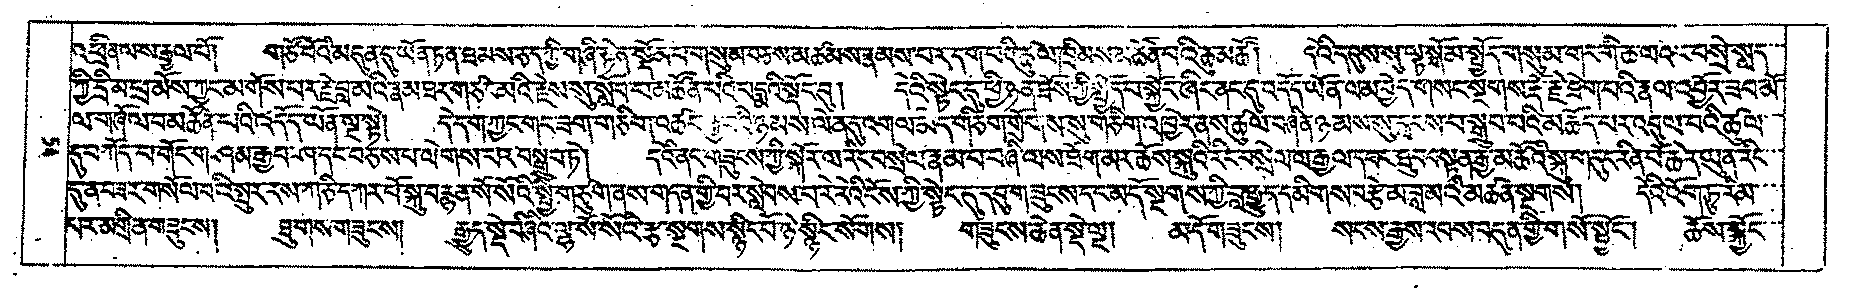འཕྲིན་ལས་རྒྱལ་པོ། གཙོ་བོའི་མདུན་དུ་ཡོན་ཏན་ཐམས་ཅད་ཀྱི་གཞི་རྟེན་སྡོམ་པ་གསུམ་བཅས་མཚམས་རྣམས་པར་དག་པའི་ཚུལ་ཁྲིམས་མཚོན་པའི་ཆུ་མཚོ། དེའི་དབུས་སུ་ལྟ་སྒོམ་སྤྱོད་གསུམ་གང་གི་ཆ་ལའང་བསྲེ་སླད་
ཀྱི་དྲི་མ་ཕྲ་མོས་ཀྱང་མ་གོས་པར་རྗེ་བླ་མའི་རྣམ་ཐར་གཙང་མའི་རྗེས་སུ་སློབ་པ་མཚོན་པའི་པདམའི་སྡོང་བུ། དེའི་སྟེང་དུ་ཕྱི་ཉན་ཐོས་ཀྱི་སྤྱོད་པ་སྐྱོང་ཞིང་ནང་དུ་འདོད་ཡོན་ལམ་བྱེད་གསང་སྔགས་རྡོ་རྗེ་ཐེག་པའི་རྣལ་འབྱོར་ཟབ་མོ་
ལ་གཞོལ་བ་མཚོན་པའི་འདོད་ཡོན་ལྔ་སྟེ། དེ་དག་ཀྱང་གང་ཟག་གཅིག་འཚང་རྒྱ་བའི་ཉམས་ལེན་དུ་འགལ་མེད་གཅིག་གྲོགས་སུ་གཅིག་འཁྱེར་ནས་ཚུལ་བཞིན་ཉམས་སུ་བླངས་པ་སྒྲུབ་པའི་མཆོད་པར་འབུལ་བའི་ཚུལ་
དུ་བཀོད་པ་གོང་གཤམ་རྒྱབ་ཤ་དང་བཅས་པ་ལེགས་པར་བསྒྲུབ་ཏེ། དེའི་ནང་གཟུངས་ཀྱི་སྐོར་ལ་རིང་བསྲེལ་རྣམ་པ་བཞི་ལས་ཐོག་མར་ཆོས་སྐུའི་རིང་བསྲེལ་ལ་རྒྱལ་དབང་ཐུབ་བསྟན་རྒྱ་མཚོའི་སྐུ་གདུང་རིན་པོ་ཆེར་ཡུན་རིང་
དུ་ན་བཟར་གསོལ་བའི་སྤུར་རས་ཀ་ཅི་དཀར་པོ་སྐུ་བརྙན་སོ་སོའི་སྤྱི་གཙུག་ནས་གདན་གྱི་བར་སླེབས་པ་རེ་རེའི་ངོས་ཀྱི་སྟེང་དུ་དབུ་གཟུངས་དང་མདོ་སྔགས་ཀྱི་བླ་རྒྱུད་དམིགས་བརྩེ་མ་བླ་མའི་མཚན་སྔགས། དེའི་འོག་ཏུ་རིམ་
པར་མགྲིན་གཟུངས། ཐུགས་གཟུངས། རྒྱུད་སྡེ་བཞིའི་ལྷ་སོ་སོའི་རྩ་སྔགས་སྙིང་པོ་ཉེ་སྙིང་སོགས། གཟུངས་ཆེན་སྡེ་ལྔ། མདོ་གཟུངས། སངས་རྒྱས་རབས་བདུན་གྱི་གསོ་སྦྱོང་། ཆོས་སྐྱོང་